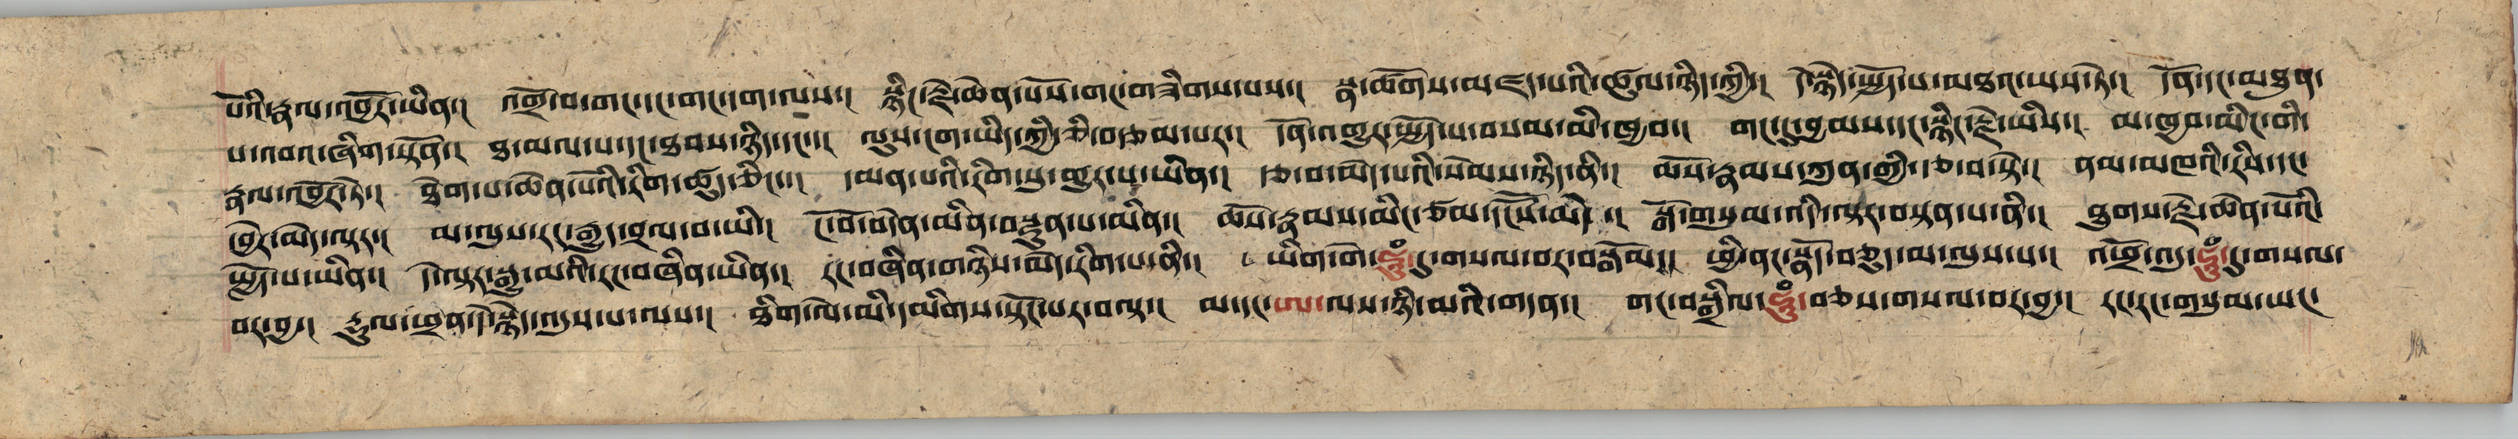པོའི་རྣལ་འབྱོར་ཡིན་། འགྲོ་བ་གང་དང་གང་དག་ལས་། སྙིང་རྗེ་ཆེན་པོས་གང་གཟིགས་པས་། སྣ་ཚོགས་མཛད་པའི་ཚུལ་ཉིད་ཀྱི་། དེ་སྙེད་སྤྱོད་པ་མཐའ་ཡས་ཏེ་། དོན་དང་མཐུན་
པ་འབའ་ཞིག་སྟོན་། ཐ་མལ་པ་དང་ཐབས་ཉིད་དང་་། ལུས་ངག་ཡིད་ཀྱི་ཅི་བརྩམ་པར་། དོན་འགྱུར་སྤྱོད་པ་བསམ་མི་ཁྱབ་། གང་དུ་བྱམས་དང་སྙིང་རྗེ་ཡིས་། མ་ཁྱབ་མིང་གི་
རྣལ་འབྱོར་ཏེ་། ཐེག་པ་ཆེན་པོའི་རིག་ཚུད་ཅིང་་། དམན་པའི་རིག་སུ་གྱུར་པ་ཡིན་། རྩ་བ་མེད་པའི་སེམས་ཉིད་ནི་། ཆོས་རྣམས་ཀུན་གྱི་རྩ་བ་སྟེ་། ནམ་མཁའི་རིས་དང་
དབྱེར་མེད་ལྟར་། མ་ལུས་རང་རྒྱུད་བྲལ་བ་ཡི་། ངོ་བོ་བདེན་མིན་བསྫུན་པ་མིན་། ཆོས་རྣམས་མིང་ཙམ་དངཽས་མེད་། སྒོ་གསུམ་འདི་ལྟར་བསྟན་པ་ནི་། ཐུགས་རྗེ་ཆེན་པོའི་
སྤྱོད་པ་ཡིན་། དེ་ལྟར་སྒྱུ་མའི་རང་བཞིན་ཡིན་། རང་བཞིན་གཉིས་མེད་རིག་པ་ནི་། ཡིག་གེ་ཧཱུཾ་དུ་གསལ་བར་བསྒོམ་། ཕྱི་ནང་སྣོད་བཅུད་མ་ལུས་པ་། འཕྲོ་འདུ་ཧཱུཾ་དུ་གསལ་
བར་བྱས་། རྡུལ་ཕྲན་དེ་སྙེད་འདུས་པ་ལས་། ཐིག་ལེ་མི་དམིགས་སྟོང་པར་བལྟ་། མ་དང་ཨ་ལས་ཉི་མའི་གདན་། གང་བསྒྲིལ་ཧཱུཾ་བཅས་གསལ་བར་བྱ་། རང་རང་གསུམ་ཡང་